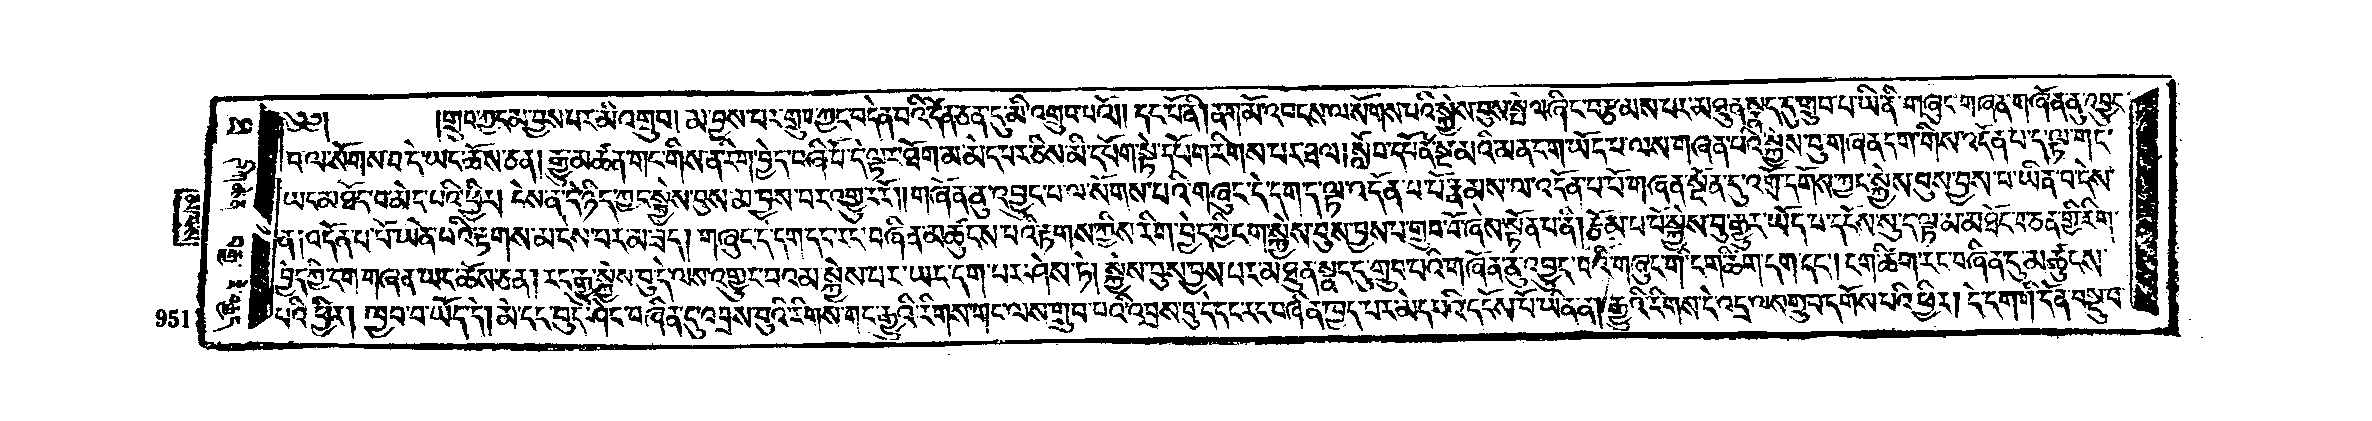༄༅། །གྲུབ་ཀྱང་མ་བྱས་པར་མི་འགྲུབ། མ་བྱས་པར་གྲུབ་ཀྱང་བདེན་པའི་དོན་ཅན་དུ་མི་འགྲུབ་པའོ། །དང་པོ་ནི། ནག་མོ་འབངས་ལ་སོགས་པའི་སྐྱེས་བུས་སྤེལ་ཞིང་བརྩམས་པར་མཐུན་སྣང་དུ་གྲུབ་པ་ཡི་ནི་གཞུང་གཞན་གཞོན་ནུ་འབྱུང་
བ་ལ་སོགས་པ་དེ་ཡང་ཆོས་ཅན། རྒྱུ་མཚན་གང་གིས་ན་རིག་བྱེད་བཞི་པོ་དེ་ལྟར་ཐོག་མ་མེད་པར་ཅིས་མི་དཔོག་སྟེ་དཔོག་རིགས་པར་ཐལ། སློབ་དཔོན་སྔ་མའི་མན་ངག་ཡོད་པ་ལས་གཞན་པའི་སྐྱེས་བུ་གཞན་དག་གིས་འདོན་པ་ད་ལྟ་གང་
ཡང་མཐོང་བ་མེད་པའི་ཕྱིར། དེས་ན་དེ་ཉིད་ཀྱང་སྐྱེས་བུས་མ་བྱས་པར་འགྱུར་རོ། །གཞོན་ནུ་འབྱུང་པ་ལ་སོགས་པའི་གཞུང་དེ་དག་ད་ལྟ་འདོན་པ་པོ་རྣམས་ལ་འདོན་པ་པོ་གཞན་སྔོན་དུ་འགྲོ་དགོས་ཀྱང་སྐྱེས་བུས་བྱས་པ་ཡིན་པ་ངེས་
ན། འདོན་པ་པོ་ཡིན་པའི་རྟགས་མ་ངེས་པར་མ་ཟད། གཞུང་དེ་དག་དང་རང་བཞིན་མཚུངས་པའི་རྟགས་ཀྱིས་རིག་བྱེད་ཀྱི་ངག་སྐྱེས་བུས་བྱས་པ་གྲུབ་བོ་ཞེས་སྟོན་པ་ནི། རྩོམ་པ་པོ་སྐྱེས་བུ་རྒྱུར་ཡོད་པ་དངོས་སུ་ད་ལྟ་མ་མཐོང་བ་ཅན་གྱི་རིག་
བྱེད་ཀྱི་ངག་གཞན་ཡང་ཆོས་ཅན། རང་རྒྱུ་སྐྱེས་བུ་དེ་ལས་འགྱུར་བའམ་སྐྱེས་པར་ཡང་དག་པར་ཤེས་ཏེ། སྐྱེས་བུས་བྱས་པར་མཐུན་སྣང་དུ་གྲུབ་པའི་གཞོན་ནུ་འབྱུང་བའི་གཞུང་གི་ངག་ཚིག་དག་དང་། ངག་ཚིག་རང་བཞིན་དུ་མཚུངས་
པའི་ཕྱིར། ཁྱབ་པ་ཡོད་དེ། མེ་དང་བུད་ཤིང་བཞིན་དུ་འབྲས་བུའི་རིགས་གང་རྒྱུའི་རིགས་གང་ལས་གྲུབ་པའི་འབྲས་བུ་དེ་དང་རང་བཞིན་ཁྱད་པར་མེད་པའི་དངོས་པོ་ཡིན་ན། རྒྱུའི་རིགས་དེ་འདྲ་ལས་གྲུབ་དགོས་པའི་ཕྱིར། དེ་དག་གི་དོན་བསྡུ་བ་